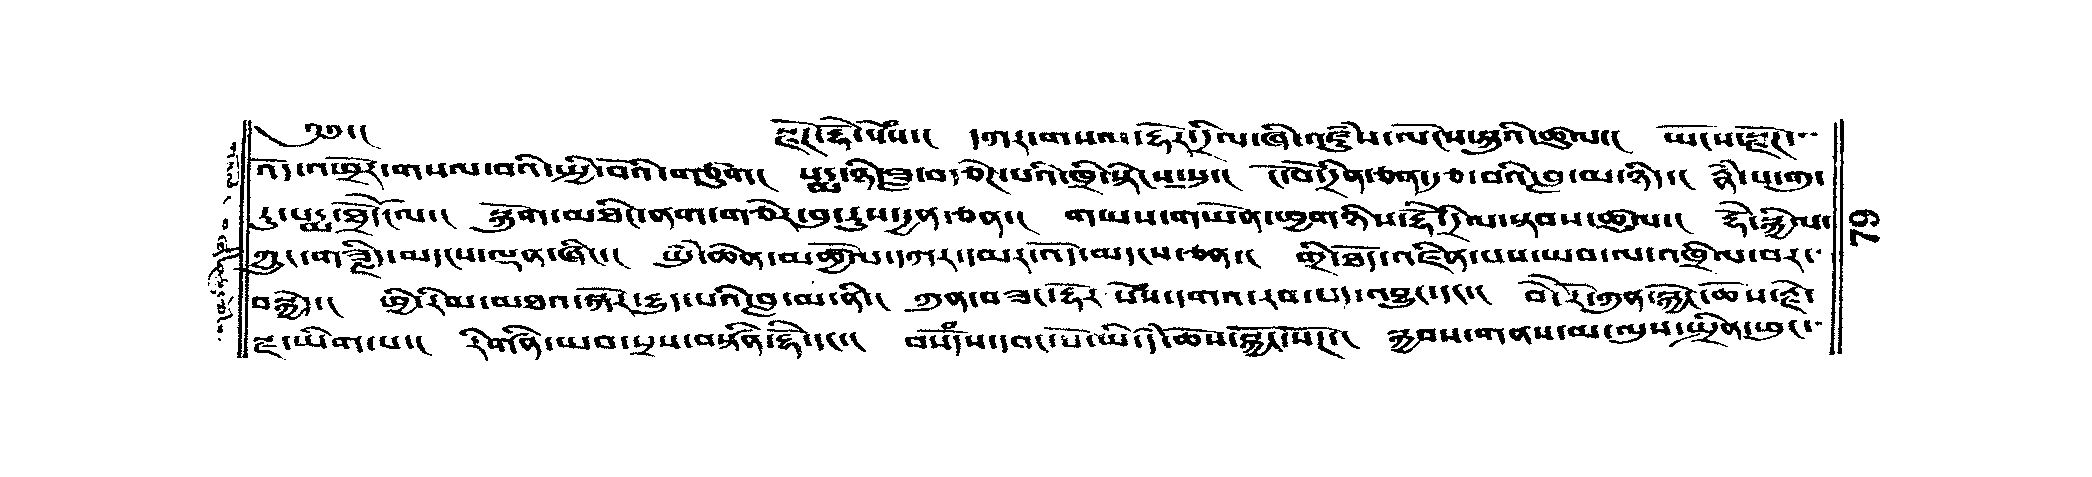རྫོགས་རྡོ་རྗེ་སེམས། །དཀར་གསལ་རྡོར་དྲིལ་ཞི་འཛུམ་ལོངས་སྐུའི་ཚུལ། །ཡོངས་རྫོགས་
འོད་འཕྲོར་གསལ་བའི་སྤྱི་བོའི་གཙུག །པདྨ་ཉི་ཟླ་བརྩེགས་པའི་ཁྲི་སྟེངས་སུ། །ངོ་བོ་དྲིན་ཅན་རྩ་བའི་བླ་མ་ཉིད། །རྣམ་པ་གུ་
རུ་པདྨ་ཐོད་ཕྲེང་རྩལ། །སྐུ་མདོག་མཐིང་ནག་གཅེར་བུ་རུས་རྒྱན་ཅན། །གཡས་གཡོན་ཕྱག་གཉིས་རྡོ་རྗེ་དྲིལ་སྟབས་ཚུལ། །རྡོ་རྗེ་སྐྱིལ་
ཀྲུང་གཟི་བརྗིད་མདངས་ལྡན་ཞིང་། །ཡུམ་ཆེན་མཚོ་རྒྱལ་དཀར་དམར་འོད་མདངས་ཅན། །གྲི་ཐོད་འཛིན་པས་ཡབ་ལ་འཁྲིལ་བར་
བསྐྱེད། །ཕྱི་རིམ་མཐའ་སྐོར་བརྒྱུད་པའི་བླ་མ་ནི། །ཀུན་བཟང་རྡོར་སེམས་དགའ་རབ་པད་འབྱུང་དང་། །བཻ་རོ་ཀུན་སྐྱོང་ཆོས་རྗེ་
རྫ་ཡིག་པ། །རིག་འཛིན་ཡབ་སྲས་བསྟན་འཛིན་རྡོ་རྗེ་དང་། །བསོད་ནམས་དབང་པོ་ཡི་དམ་ཆོས་སྐྱོང་སོགས། །སྐྱབས་གནས་མ་ལུས་སྤྲིན་ཕུང་